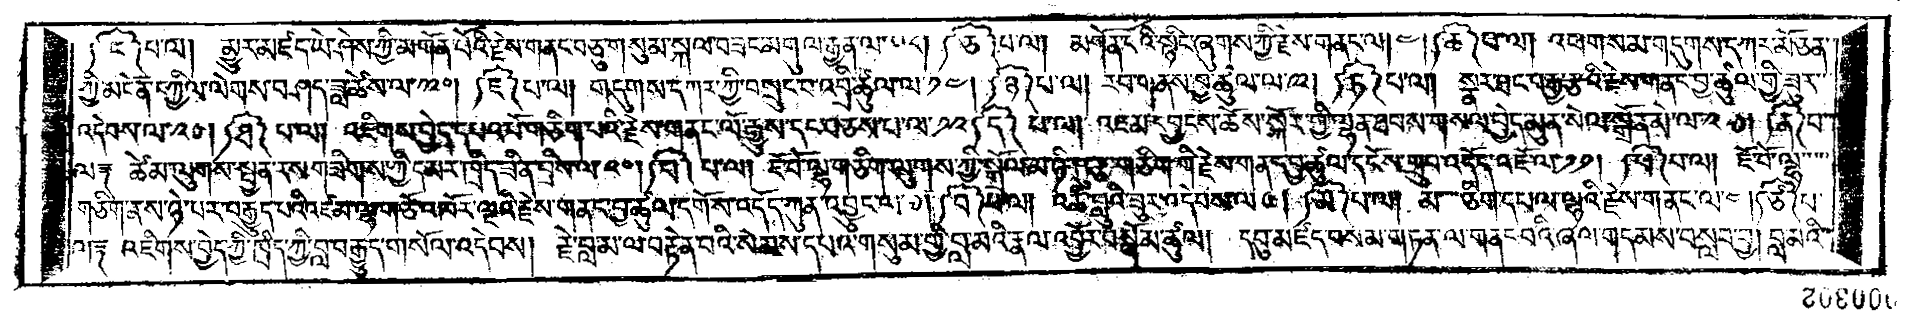༼ང༽ པ་ལ། མྱུར་མཛད་ཡེ་ཤེས་ཀྱི་མགོན་པོའི་རྗེས་གནང་བཅུ་གསུམ་སྐལ་བཟང་མགུལ་རྒྱན་ལ ༥༨། ༼ཅ༽ པ་ལ། མགོན་པོའི་སྙིང་ཞུགས་ཀྱི་རྗེས་གནང་ལ། ༤། ༼ཆ༽ པ་ལ། འཕགས་མ་གདུགས་དཀར་མོ་ཅན་
ཀྱི་མངོན་དཀྱིལ་ལེགས་བཤད་ཟླ་ཚེས་ལ ༣༠། ༼ཇ༽ པ་ལ། གདུགས་དཀར་ཀྱི་བསྲུང་བ་འབྲི་ཚུལ་ལ ༡༤། ༼ཉ༽ པ་ལ། རབ་གནས་བྱ་ཚུལ་ལ ༣། ༼ཏ༽ པ་ལ། སྣར་ཐང་བརྒྱ་རྩའི་རྗེས་གནང་བྱ་ཚུལ་གྱི་ཟུར་
འདེབས་ལ ༢༦། ༼ཐ༽ པ་ལ། འཇིགས་བྱེད་དཔའ་པོ་གཅིག་པའི་རྗེས་གནང་ལོ་རྒྱུས་དང་བཅས་པ་ལ ༡༢ ༼ད༽ པ་ལ། འཇམ་དབྱངས་ཆོས་སྐོར་གྱི་ལྷན་ཐབས་གསལ་བྱེད་མུན་སེལ་སྒྲོན་མེ་ལ ༢༧། ༼ན༽ པ་
ལ༑ ཚེམ་ལུགས་སྤྱན་རས་གཟིགས་ཀྱི་དམར་ཁྲིད་ཟིན་བྲིས་ལ ༢༠། ༼པ༽ པ་ལ། ཇོ་བོ་ལྷ་གཅིག་ལུགས་ཀྱི་སྒྲོལ་མ་ཉི་ཤུ་རྩ་གཅིག་གི་རྗེས་གནང་བྱ་ཚུལ་དངོས་གྲུབ་འདོད་འཇོ་ལ ༡༡། ༼ཕ༽ པ་ལ། ཇོ་བོ་ལྷ་
གཅིག་ནས་ཉེ་པར་བརྒྱུད་པའི་འཛམ་ལྷ་གཙོ་འཁོར་ལྔའི་རྗེས་གནང་བྱ་ཚུལ་དགོས་འདོད་ཀུན་འབྱུང་ལ ༧། ༼བ༽ པ་ལ། འཆི་བླུའི་ཟུར་འདེབས་ལ ༦། ༼མ༽ པ་ལ། མ་ཅིག་དཔལ་ལྷའི་རྗེས་གནང་ལ ༤། ༼ཙ༽ པ་
ལ༑ འཇིགས་བྱེད་ཀྱི་ཁྲིད་ཀྱི་བླ་བརྒྱུད་གསོལ་འདེབས། རྗེ་བླ་མ་ལ་བརྟེན་པའི་སེམས་དཔའ་གསུམ་གྱི་བླ་མའི་རྣལ་འབྱོར་བསྒོམ་ཚུལ། དབུ་མཛད་བསམ་གཏན་ལ་གནང་བའི་ཞལ་གདམས་བསླབ་བྱ། བླ་མའི་